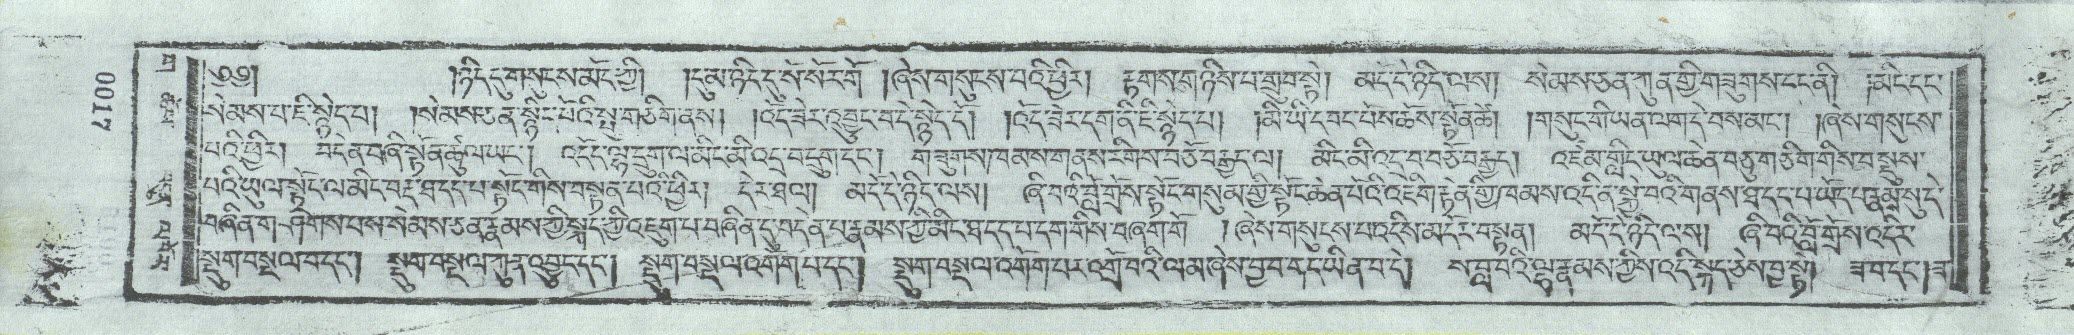༄༅། །ཉིད་དུ་གསུངས་མོད་ཀྱི། །དུ་མ་ཉིད་དུ་སོ་སོར་གོ །ཞེས་གསུངས་པའི་ཕྱིར། རྟགས་གཉིས་པ་གྲུབ་སྟེ། མདོ་དེ་ཉིད་ལས། སེམས་ཅན་ཀུན་གྱི་གཟུགས་དང་ནི། །མིང་དང་
སེམས་པ་ཇི་སྙེད་པ། །སེམས་ཅན་སྙིང་པོའི་སྤུ་གཅིག་ནས། །འོད་ཟེར་འབྱུང་བ་དེ་སྙེད་དོ། །འོད་ཟེར་དག་ནི་ཇི་སྙེད་པ། །མི་ཡི་དབང་པོས་ཆོས་སྟོན་ཚེ། །གསུང་གི་ཡན་ལག་དེ་བས་མང་། །ཞེས་གསུངས་
པའི་ཕྱིར། བདེན་བཞི་སྟོན་ཚུལ་ཡང་། འདོད་ལྷ་དྲུག་ལ་མིང་མི་འདྲ་བ་དྲུག་དང་། གཟུགས་ཁམས་གནས་རིགས་བཅོ་བརྒྱད་ལ། མིང་མི་འདྲ་བ་བཅོ་བརྒྱད། འཛམ་གླིང་ཡུལ་ཆེན་བཅུ་གཅིག་གིས་བསྡུས་
པའི་ཡུལ་སྟོང་ལ་མིང་བརྡ་ཐ་དད་པ་སྟོང་གིས་བསྟན་པའི་ཕྱིར། དེར་ཐལ། མདོ་དེ་ཉིད་ལས། ཞི་བའི་བློ་གྲོས་སྟོང་གསུམ་གྱི་སྟོང་ཆེན་པོའི་འཇིག་རྟེན་གྱི་ཁམས་འདི་ན་སྐྱེ་བའི་གནས་ཐ་དད་པ་ཡོད་པ་རྣམས་སུ་དེ་
བཞིན་གཤེགས་པས་སེམས་ཅན་རྣམས་ཀྱི་སྐད་ཀྱི་འཇུག་པ་བཞིན་དུ་བདེན་པ་རྣམས་ཀྱི་མིང་ཐ་དད་པ་དག་གིས་བཞག་གོ །ཞེས་གསུངས་པ་འདིས་མདོར་བསྟན། མདོ་དེ་ཉིད་ལས། ཞི་བའི་བློ་གྲོས་འདིར་
སྡུག་བསྔལ་བ་དང་། སྡུག་བསྔལ་ཀུན་འབྱུང་དང་། སྡུག་བསྔལ་འགོག་པ་དང་། སྡུག་བསྔལ་འགོག་པར་འགྲོ་བའི་ལམ་ཞེས་བྱ་བ་གང་ཡིན་པ་དེ། ས་བླ་བའི་ལྷ་རྣམས་ཀྱིས་འདི་སྐད་ཅེས་བྱ་སྟེ། ཟ་བ་དང་། ན་